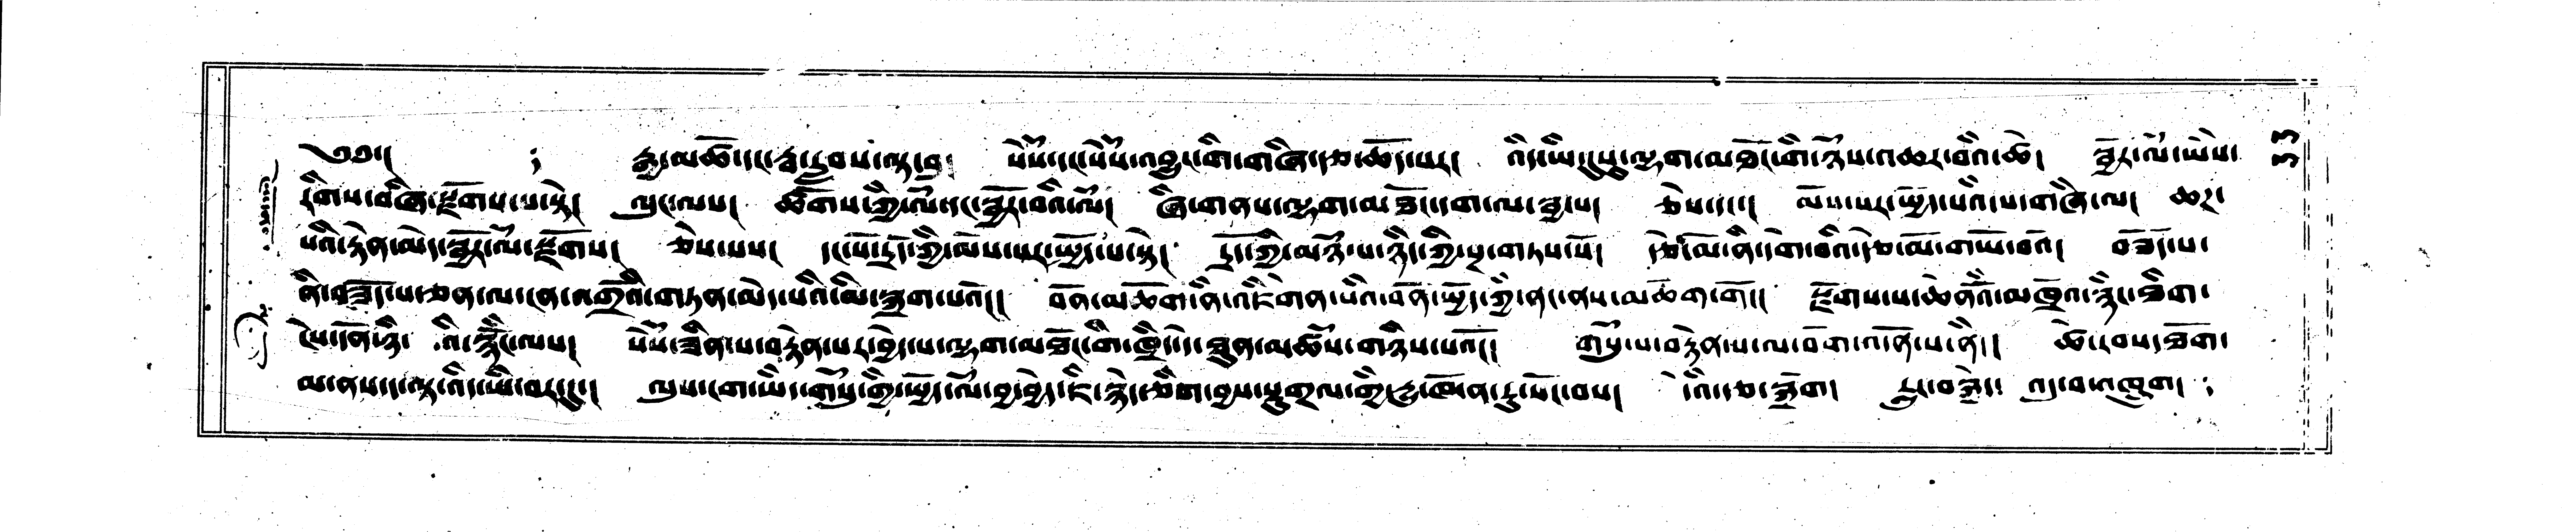རྒྱ་མཚོ་དང་རྦ་རླབས་ལྟ་བུ། སེམས་དང་སེམས་བྱུང་གི་གཞི་རྩ་ཆོད་པར། འདི་ཡི་དུས་སུ་ལྷག་མཐོང་གི་ཉམས་འཆར་བའི་ཚེ། སྦྱོར་ལམ་ཡེ་ཤེས་
རིགས་བཞི་རྫོགས་པ་ཡིན་ཏེ། ལུང་ལས། ཚོགས་ཀྱི་ལམ་དང་སྦྱོར་བའི་ལམ། །ཞི་གནས་ལྷག་མཐོང་དག་ལ་སྦྱངས། །ཅེས་དང་། མོས་པར་སྤྱོད་པའི་ས་གཞི་ལ། །ཆགས་
པའི་རྟེན་མེད་སྦྱོར་ལམ་རྫོགས། །ཅེས་པས་དང་པོ་དྲོད་ཀྱི་མོས་པར་སྤྱོད་པ་སྟེ། དྲོད་ཀྱི་མཉམ་པ་ཉིད་ཀྱི་སྔ་ལྟས་སོ། །རྩེ་མོ་ནི་དགེ་བའི་རྩེ་མོ་གཡོ་བའོ། །བཟོད་པ་
ནི་བཟོད་པ་ཅན་ལ་ངན་འགྲོ་གཏན་མེད་པས་མི་སྐྲག་པའོ། །བོན་མཆོག་ནི་འཇིག་རྟེན་པའི་བོན་སྤྱོད་ཀྱི་ནང་ནས་མཆོག་གོ །རྫོགས་པ་ཆེན་པོ་མཁའ་འགྲོ་སྙིང་ཐིག་
ངེས་དོན་ཉི་མའི་སྙིང་པོ་ལས། སེམས་ཟིན་པ་བརྟན་པར་བྱེད་པ་ལྷག་མཐོང་གི་ཁྲིད་དེ་ཐུན་མཚམས་གཉིས་པའོ།། །།གསུམ་པ་བརྟན་པ་ལ་བོགས་འདོན་པ་ནི། ཚེ་རབས་ཐོག་
མ་ནས་ད་ལྟ་འདི་ཡི་བར་དུ། ལུས་ངག་ཡིད་གསུམ་གྱི་སྤྱོད་ལམ་བྱ་བྱེད་ཇི་སྙེད་ཅིག་བྱས་སྡུག་བསྔལ་གྱི་རྒྱུ་ཁོ་ན་རུ་སོང་བས། དེའི་རྩ་སྐྲོག རླུང་བསྐྱེད། འདུ་བ་འཁྲུག